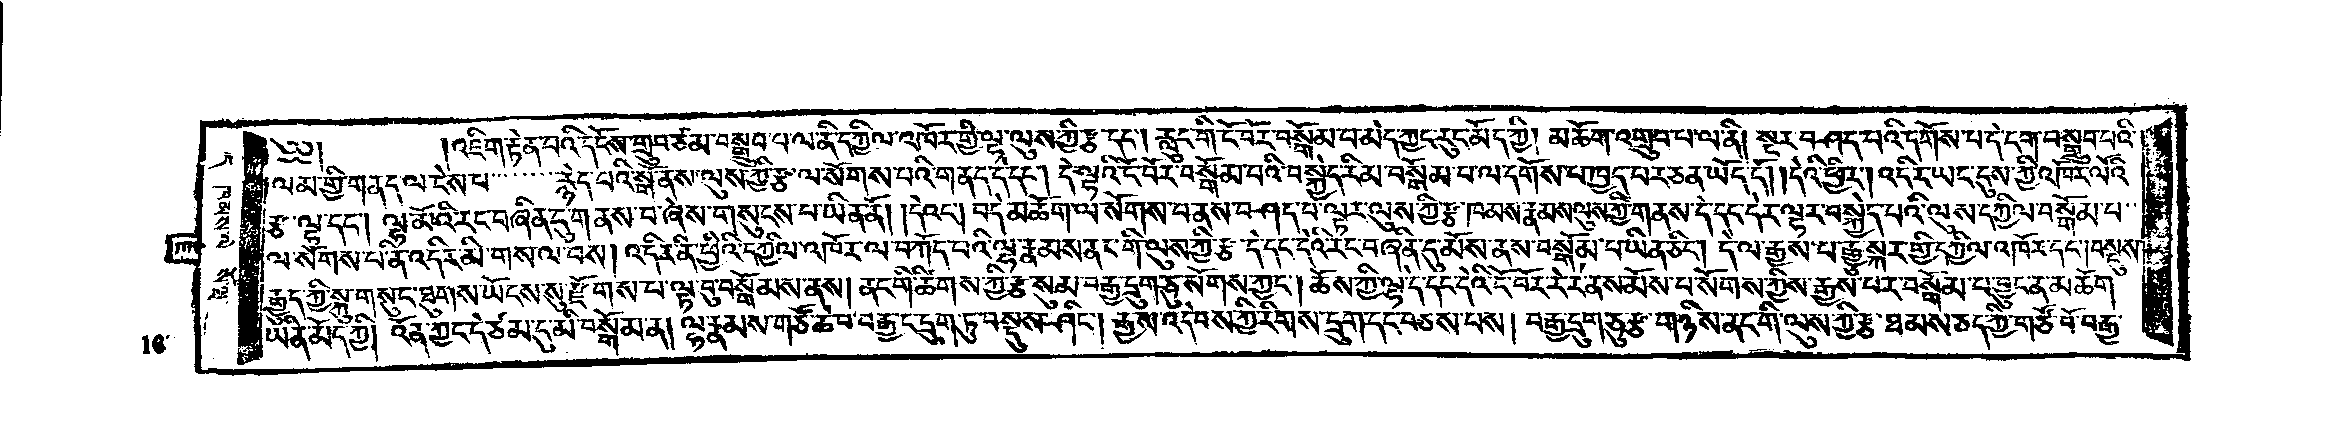༄༅། །འཇིག་རྟེན་པའི་དངོས་གྲུབ་ཙམ་བསྒྲུབ་པ་ལ་ནི་དཀྱིལ་འཁོར་གྱི་ལྷ་ལུས་ཀྱི་རྩ་དང་། རླུང་གི་ངོ་བོར་བསྒོམ་པ་མེད་ཀྱང་རུང་མོད་ཀྱི། མཆོག་འགྲུབ་པ་ལ་ནི། སྔར་བཤད་པའི་དགོས་པ་དེ་དག་བསྒྲུབ་པའི་
ལམ་གྱི་གནད་ལ་ངེས་པ་རྙེད་པའི་སྒོ་ནས་ལུས་ཀྱི་རྩ་ལ་སོགས་པའི་གནད་དེ་དང་། དེ་ལྷའི་ངོ་བོར་བསྒོམ་པའི་བསྐྱེད་རིམ་བསྒོམ་པ་ལ་དགོས་པ་ཁྱད་པར་ཅན་ཡོད་དོ། །དེའི་ཕྱིར། འདིར་ཡང་དུས་ཀྱི་འཁོར་ལོའི་
རྩ་ལྷ་དང་། ལྷ་མོའི་རང་བཞིན་དུ་གནས་པ་ཞེས་གསུངས་པ་ཡིན་ནོ། །དེའང་། བདེ་མཆོག་ལ་སོགས་པ་ནས་བཤད་པ་ལྟར་ལུས་ཀྱི་རྩ་ཁམས་རྣམས་ལུས་ཀྱི་གནས་དེ་དང་དེར་ལྷར་བསྐྱེད་པའི་ལུས་དཀྱིལ་བསྒོམ་པ་
ལ་སོགས་པ་ནི་འདིར་མི་གསལ་བས། འདིར་ནི་ཕྱིའི་དཀྱིལ་འཁོར་ལ་བཀོད་པའི་ལྷ་རྣམས་ནང་གི་ལུས་ཀྱི་རྩ་དེ་དང་དེའི་རང་བཞིན་དུ་མོས་ནས་བསྒོམ་པ་ཡིན་ཅིང་། དེ་ལ་རྒྱས་པ་རྒྱུ་སྐར་གྱི་དཀྱིལ་འཁོར་དང་། བསྡུས་
རྒྱུད་ཀྱི་སྐུ་གསུང་ཐུགས་ཡོངས་སུ་རྫོགས་པ་ལྟ་བུ་བསྒོམས་ནས། ནང་གི་ཚིགས་ཀྱི་རྩ་སུམ་བརྒྱ་དྲུག་ཅུ་སོགས་ཀྱང་། ཆོས་ཀྱི་ལྷ་དེ་དང་དེའི་ངོ་བོར་རེ་རེ་ནས་མོས་པ་སོགས་ཀྱིས་རྒྱས་པར་བསྒོམ་པ་བྱུང་ན་མཆོག་
ཡིན་མོད་ཀྱི། འོན་ཀྱང་དེ་ཙམ་དུ་མི་བསྒོམ་ན། ལྷ་རྣམས་གཙོ་ཆེ་བ་བརྒྱ་ང་དྲུག་ཏུ་བསྡུས་ཤིང་། རྒྱས་འདེབས་ཀྱི་རིགས་དྲུག་དང་བཅས་པས། བརྒྱ་དྲུག་ཅུ་རྩ་གཉིས་ནང་གི་ལུས་ཀྱི་རྩ་ཐམས་ཅད་ཀྱི་གཙོ་བོ་བརྒྱ་